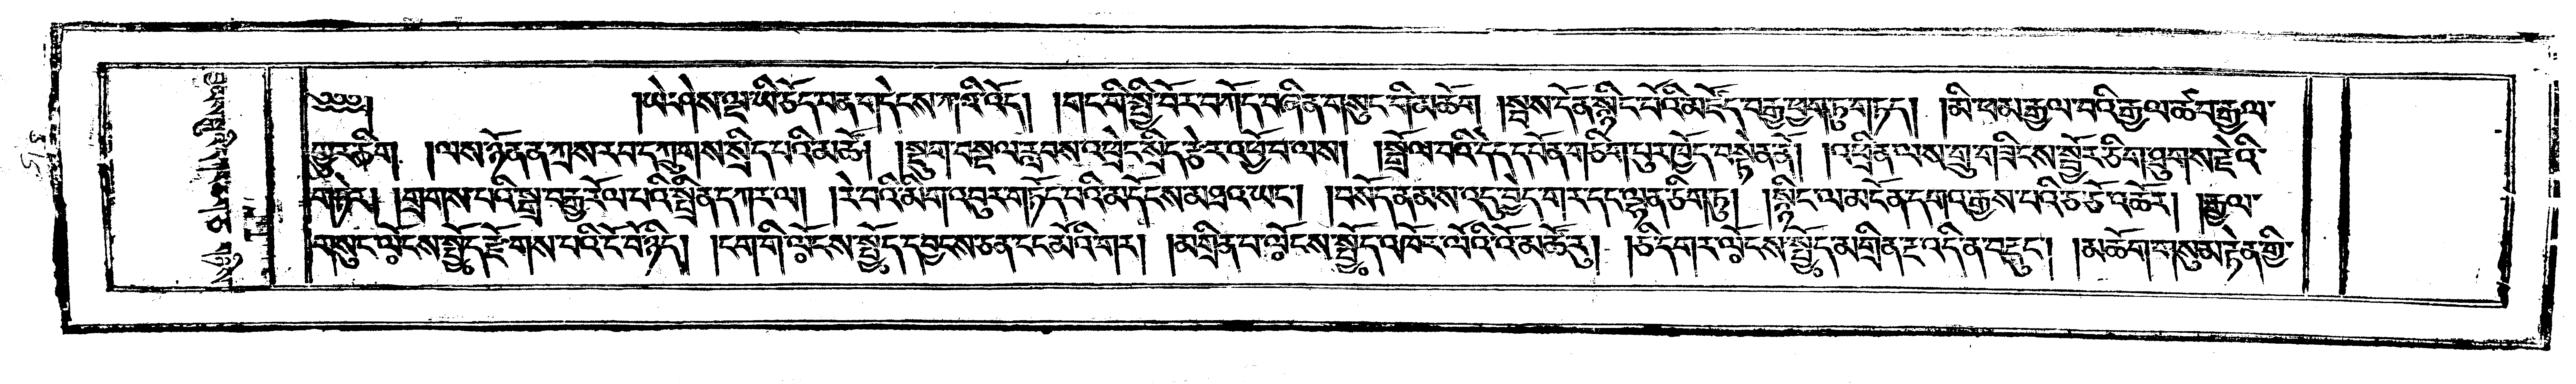༄༅༅། །ཡེ་ཤེས་ལྔ་ཡི་ཅོད་པན་གདེངས་ཀའི་འོད། །གང་གི་སྤྱི་བོར་བཀོད་བཞིན་གསུངས་གི་མཆོག །སྦས་དོན་སྙིང་པོའི་མཛོད་བརྒྱ་ཕྱག་ཏུ་གཏད། །མི་ཕམ་རྒྱལ་བའི་རྒྱལ་ཚབ་རྒྱལ་
གྱུར་ཅིག །ལས་ཉོན་ན་ཀྲས་རབ་དཀྲུགས་སྲིད་པའི་མཚོ། །སྡུག་བསྔལ་རླབས་འཕྲེང་སྲིད་རྩེར་འཕྱོ་བ་ལས། །སྒྲོལ་བའི་དེད་དཔོན་གཅིག་པུར་ཁྱོད་བསྟེན་ནོ། །འཕྲིན་ལས་གྲུ་གཟིངས་སྦྱོར་ཅིག་ཐུགས་རྗེའི་
གཏེར། །གྲགས་པའི་སྒྲ་བརྒྱ་རོལ་བའི་སྤྲིན་དཀར་ལ། །རེ་བའི་མིག་འབུར་གཏོད་པའི་མདོངས་མཐའ་ཡང་། །བསོད་ནམས་འདུ་བྱེད་གར་དང་ལྷན་ཅིག་ཏུ། །སྙིང་ལ་མངོན་དགའ་རྒྱས་པའི་ཅ་ཅོ་འཆོར། །རྒྱལ་
གསུང་ལོངས་སྤྱོད་རྫོགས་པའི་ངོ་བོ་ཉིད། །ངག་གི་ལོངས་སྤྱོད་དབྱངས་ཅན་ངང་མོའི་གར། །མགྲིན་པ་ལོངས་སྤྱོད་འཁོར་ལོའི་འོ་མཚོ་རུ། །ཅི་དགར་ལོངས་སྤྱོད་མགྲིན་རྔ་འདི་ན་བརྡུང་། །མཆོག་གསུམ་རྟེན་གྱི་